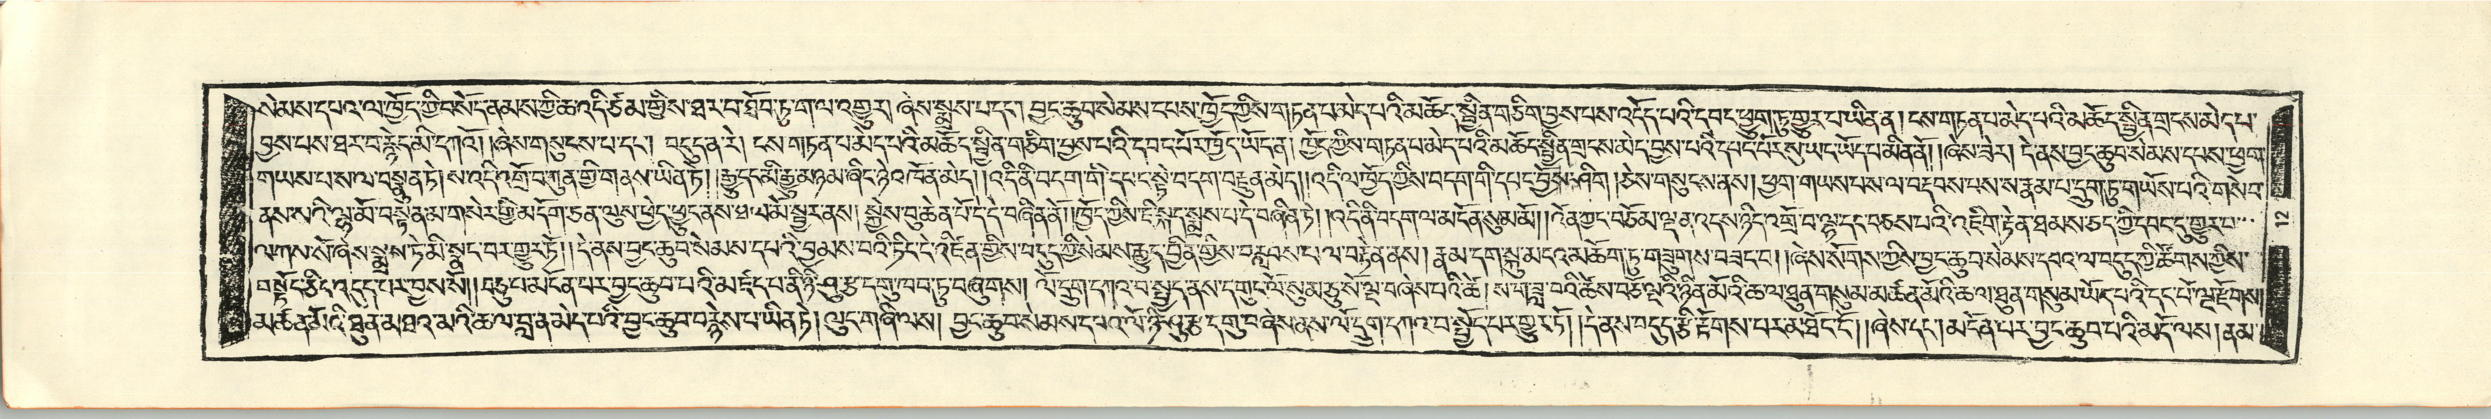སེམས་དཔའ་ལ་ཁྱོད་ཀྱི་བསོད་ནམས་ཀྱི་ཆ་འདི་ཙམ་གྱིས་ཐར་པ་ཐོབ་ཏུ་ག་ལ་འགྱུར། ཞེས་སྨྲས་པ་དང་། བྱང་ཆུབ་སེམས་དཔས་ཁྱོད་ཀྱིས་གཏན་པ་མེད་པའི་མཆོད་སྦྱིན་གཅིག་བྱས་པས་འདོད་པའི་དབང་ཕྱུག་ཏུ་གྱུར་པ་ཡིན་ན། ངས་གཏན་པ་མེད་པའི་མཆོད་སྦྱིན་གྲངས་མེད་པ་
བྱས་པས་ཐར་བ་རྙེད་མི་དཀའོ། །ཞེས་གསུངས་པ་དང་། བདུད་ན་རེ། ངས་གཏན་པ་མེད་པའི་མཆོད་སྦྱིན་གཅིག་བྱས་པའི་དབང་པོར་ཁྱོད་ཡོད་ན། ཁྱོད་ཀྱིས་གཏན་པ་མེད་པའི་མཆོད་སྦྱིན་གྲངས་མེད་བྱས་པའི་དབང་པོར་སུ་ཡང་ཡོད་པ་མིན་ནོ། །ཞེས་ཟེར། དེ་ནས་བྱང་ཆུབ་སེམས་དཔས་ཕྱག་
གཡས་པ་ས་ལ་བསྣུན་ཏེ། ས་འདི་འགྲོ་བ་ཀུན་གྱི་གནས་ཡིན་ཏེ། །རྒྱུ་དང་མི་རྒྱུ་མཉམ་ཞིང་ཉེ་འཁོན་མེད། །འདི་ནི་བདག་གི་དབང་སྟེ་བདག་བརྫུན་མེད། །འདི་ལ་ཁྱོད་ཀྱིས་བདག་གི་དབང་བྱོས་ཤིག །ཅེས་གསུངས་ནས། ཕྱག་གཡས་པས་ལ་བརྡབས་པས་ས་རྣམ་པ་དྲུག་ཏུ་གཡོས་པའི་གསེར་
ནས་སའི་ལྷ་མོ་བསྟན་མ་གསེར་གྱི་མདོག་ཅན་ལུས་ཕྱེད་ཕྱུང་ནས་ཐལ་མོ་སྦྱར་ནས། སྐྱེས་བུ་ཆེན་པོ་དེ་དེ་བཞིན་ནོ། །ཁྱོད་ཀྱིས་ཇི་སྐད་སྨྲས་པ་དེ་བཞིན་ཏེ། །འདི་ནི་བདག་ལ་མངོན་སུམ་མོ། །འོན་ཀྱང་བཅོམ་ལྡན་འདས་ཉིད་འགྲོ་བ་ལྷ་དང་བཅས་པའི་འཇིག་རྟེན་ཐམས་ཅད་ཀྱི་དབང་དུ་གྱུར་པ་
ལགས་སོ་ཞེས་སྨྲས་ཏེ་མི་སྣང་བར་གྱུར་ཏོ། །དེ་ནས་བྱང་ཆུབ་སེམས་དཔའི་བྱམས་པའི་ཏིང་ངེ་འཛིན་གྱིས་བདུད་ཀྱི་སེམས་རྒྱུད་བྱིན་གྱིས་བརླབས་པ་ལ་བརྟེན་ནས། རྣམ་དག་སྐུ་མངའ་མཆོག་ཏུ་གཟུགས་བཟང་བ། །ཞེས་སོགས་ཀྱིས་བྱང་ཆུབ་སེམས་དཔའ་ལ་བདུད་ཀྱི་ཚོགས་ཀྱིས་
བསྟོད་ཅིང་འདུད་པར་བྱས་སོ། །བཅུ་པ་མངོན་པར་བྱང་ཆུབ་པའི་མཛད་པ་ནི་ཉི་ཤུ་རྩ་དགུ་ཁབ་ཏུ་བཞུགས། ལོ་དྲུག་དཀའ་བ་སྤྱད་ནས་དགུང་ལོ་སུམ་ཅུ་སོ་ལྔ་བཞེས་པའི་ཚེ། ས་ག་ཟླ་བའི་ཚེས་བཅོ་ལྔའི་ཉིན་མོའི་ཆ་ལ་ཐུན་གསུམ་མཚན་མོའི་ཆ་ལ་ཐུན་གསུམ་ཡོད་པའི་དང་པོ་ལྔ་རྫོགས་
མཚན་མོའི་ཐུན་མཐའ་མའི་ཆ་ལ་བླ་ན་མེད་པའི་བྱང་ཆུབ་བརྙེས་པ་ཡིན་ཏེ། ལུང་གཞི་ལས། བྱང་ཆུབ་སེམས་དཔའ་ལོ་ཉི་ཤུ་རྩ་དགུ་བཞེས་ནས་ལོ་དྲུག་དཀའ་བ་སྤྱོད་པར་གྱུར་ཏོ། །དེ་ནས་བདུད་རྩི་རྟོགས་པར་མཐོང་ངོ། །ཞེས་དང་། མངོན་པར་བྱང་ཆུབ་པའི་མདོ་ལས། ནམ་